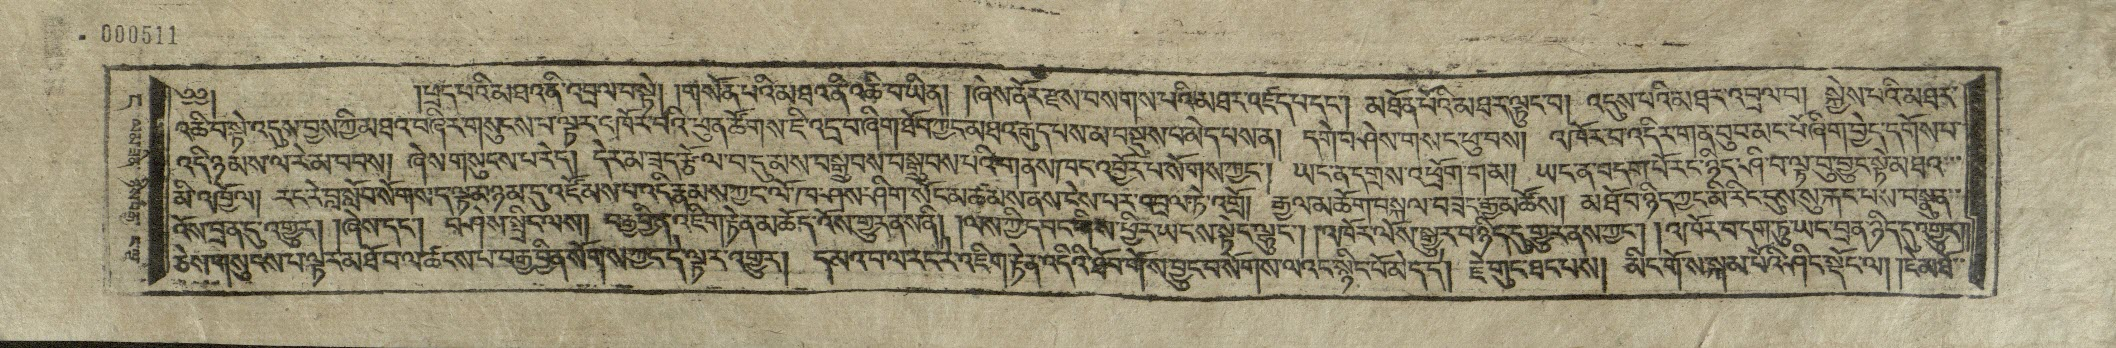༄༅། །ཕྲད་པའི་མཐའ་ནི་འབྲལ་བ་སྟེ། །གསོན་པའི་མཐའ་ནི་འཆི་བ་ཡིན། །ཞེས་ནོར་རྫས་བསགས་པའི་མཐར་འཛད་པ་དང་། མཐོན་པོའི་མཐར་ལྟུང་བ། འདུས་པའི་མཐར་འབྲལ་བ། སྐྱེས་པའི་མཐར་
འཆི་བ་སྟེ་འདུས་བྱས་ཀྱི་མཐའ་བཞིར་གསུངས་པ་ལྟར་འཁོར་བའི་ཕུན་ཚོགས་ཇི་འདྲ་བ་ཞིག་ཐོབ་ཀྱང་མཐའ་རྒུད་པས་མ་བསྡུས་པ་མེད་པས་ན། དགེ་བཤེས་གསང་ཕུ་བས། འཁོར་བ་འདིར་གན་བུབ་མང་པོ་ཞིག་བྱེད་དགོས་པ་
འདི་ཉམས་ལ་རེ་མ་བབས། ཞེས་གསུངས་པ་རེད། དེར་མ་ཟད་རྩོལ་བ་དུ་མས་བསྒྲུབས་བསྒྲུབས་པའི་གནས་ཁང་འབྱོར་པ་སོགས་ཀྱང་། ཡང་ན་དགྲས་འཕྲོག་གམ། ཡང་ན་བདག་པོ་རང་ཉིད་ཤི་བ་ལྟ་བུ་བྱུང་སྟེ་མཐའ་
མི་འཁྱོལ། རང་རེ་བླ་སློབ་སོགས་ད་ལྟ་མཉམ་དུ་འཛོམས་པ་འདི་རྣམས་ཀྱང་ལོ་ཁ་ཤས་ཤིག་སོང་མཚམས་ནས་ངེས་པར་འབྲལ་ཏེ་འགྲོ། རྒྱལ་མཆོག་བསྐལ་བཟང་རྒྱ་མཚོས། མཐོ་བ་ཉིད་ཀྱང་མི་རིང་དུས་སུ་རྐང་པས་བསྣུན་
འོས་བྲན་དུ་འགྱུར། །ཞེས་དང་། བཤེས་སྤྲིང་ལས། བརྒྱ་བྱིན་འཇིག་རྟེན་མཆོད་འོས་གྱུར་ནས་ནི། །ལས་ཀྱི་དབང་གིས་ཕྱིར་ཡང་ས་སྟེང་ལྷུང་། །འཁོར་ལོས་སྒྱུར་བ་ཉིད་དུ་གྱུར་ནས་ཀྱང་། །འཁོར་བ་དག་ཏུ་ཡང་བྲན་ཉིད་དུ་འགྱུར།།
ཅེས་གསུངས་པ་ལྟར་མཐོ་བ་ལ་ཚངས་པ་བརྒྱ་བྱིན་སོགས་ཀྱང་དེ་ལྟར་འགྱུར། དམའ་བ་ལ་རང་རེ་འཇིག་རྟེན་འདིའི་ཐོབ་གོ་ས་བྱུང་བ་སོགས་ལའང་སྙིང་པོ་མེད་དེ། རྗེ་གུང་ཐང་པས། མིང་གོ་ས་སྐམ་པོའི་ཤིང་སྡོང་ལ། །ཇེ་མཐོ་